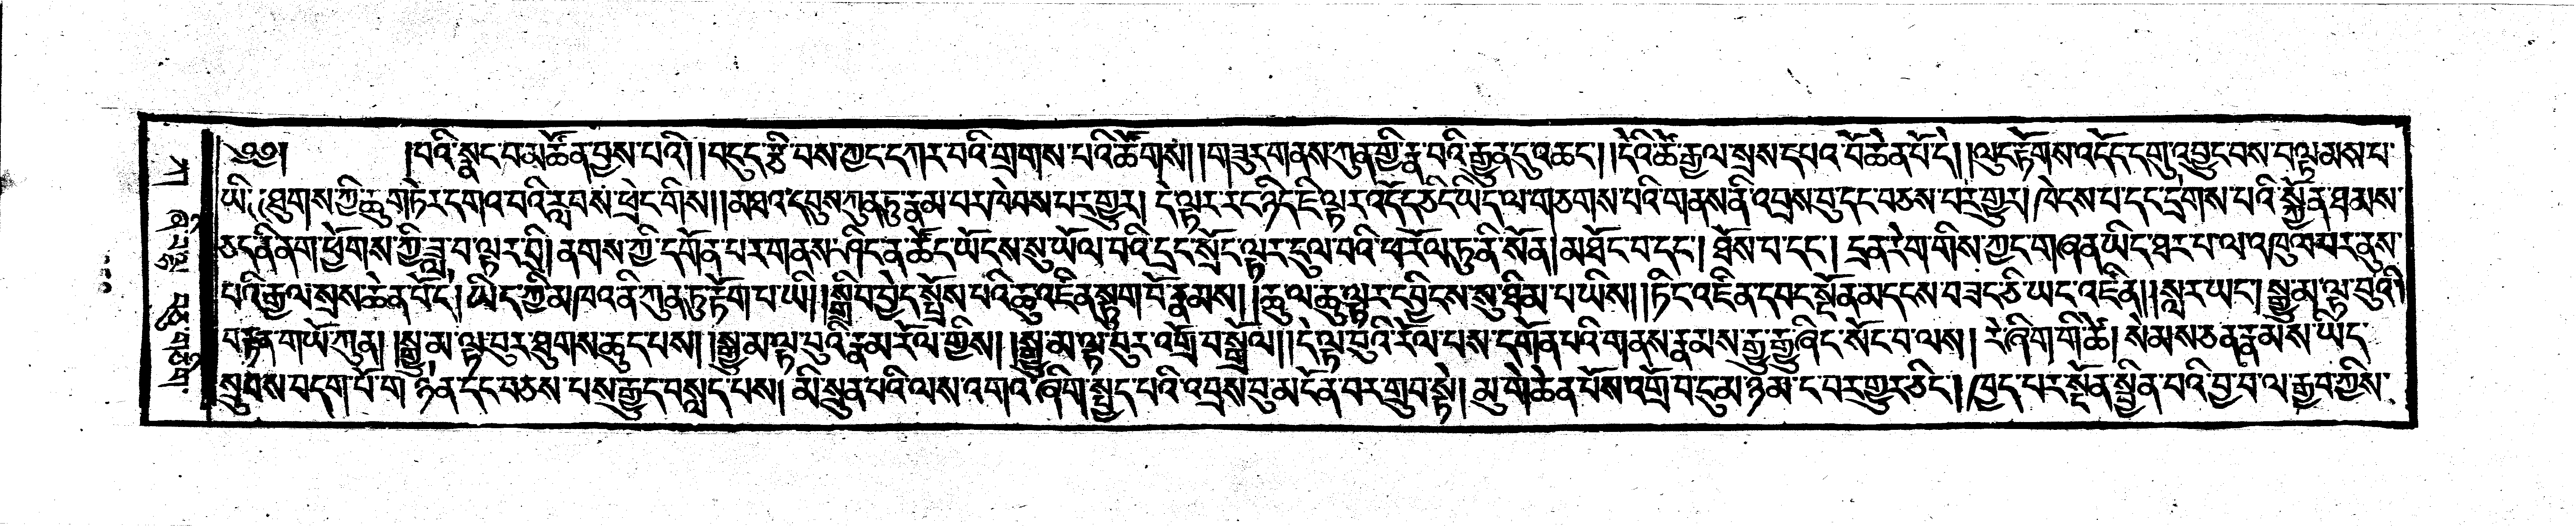༄༅། །བའི་སྣང་བ་མཚོན་བྱས་པའི། །བདུད་རྩི་བས་ཀྱང་དཀར་བའི་གྲགས་པའི་ཚོགས། །གཟུར་གནས་ཀུན་གྱི་རྣ་བའི་རྒྱན་དུ་འཆད། །དེའི་ཚེ་རྒྱལ་སྲས་དཔའ་བོ་ཆེན་པོ་དེ། །ལུང་རྟོགས་འདོད་དགུ་འབྱུང་བས་བལྟམས་པ་
ཡི། །ཐུགས་ཀྱི་ཆུ་གཏེར་དགའ་བའི་རླབས་ཕྲེང་གིས། །མཐའ་དབུས་ཀུན་ཏུ་རྣམ་པ་ཁེབས་པར་གྱུར། དེ་ལྟར་རང་ཉིད་ཇི་ལྟར་འདོད་ཅིང་ཡིད་ལ་གཅགས་པའི་གནས་ནི་འབྲས་བུ་དང་བཅས་པར་གྱུར། ཁེངས་པ་དང་དྲེགས་པའི་སྐྱོན་ཐམས་
ཅད་ནི་ནག་ཕྱོགས་ཀྱི་ཟླ་བ་ལྟར་བྲི། ནགས་ཀྱི་དགོན་པར་གནས་ཤིང་ན་ཚོད་ཡོངས་སུ་ཡོལ་བའི་དྲང་སྲོང་ལྟར་དུལ་བའི་ཕ་རོལ་ཏུ་ནི་སོན། མཐོང་བ་དང་། ཐོས་པ་དང་། དྲན་རེག་གིས་ཀྱང་གཞན་ཡིད་ཐར་པ་ལ་འཁུལ་བར་ནུས་
པའི་རྒྱལ་སྲས་ཆེན་པོ་དེ། ཡིད་ཀྱི་མཁའ་ནི་ཀུན་ཏུ་རྟོག་པ་ཡི། །སྒྲིབ་བྱེད་སྤྲོས་པའི་ཆུ་འཛིན་སྟུག་པོ་རྣམས། །ཆུ་ལ་ཆུ་ལྟར་དབྱིངས་སུ་ཐིམ་པ་ཡིས། །ཏིང་འཛིན་དབང་སྔོན་མདངས་བཟང་ཅི་ཡང་འཛིན། །སླར་ཡང་། སྒྱུར་མ་ལྟ་བུའི་
བརྟན་གཡོ་ཀུན། །སྒྱུ་མ་ལྟ་བུར་ཐུགས་ཆུད་པས། །སྒྱུ་མ་ལྟ་བུའི་རྣམ་རོལ་གྱིས། །སྒྱུ་མ་ལྟ་བུར་འགྲོ་བ་སྒྲོལ། །དེ་ལྟ་བུའི་རལ་པས་དགོན་པའི་གནས་རྣམས་རྒྱུ་རྒྱུ་ཞིང་སོང་བ་ལས། རེ་ཞིག་གི་ཚེ། སེམས་ཅན་རྣམས་ཡིད་
སྲུབས་བདག་པོ་གཉེན་དང་བཅས་པས་རྒྱུད་བསླད་པས། མི་སྲུན་པའི་ལས་འགའ་ཞིག་སྤྱད་པའི་འབྲས་བུ་མངོན་པར་གྲུབ་སྟེ། མུ་གེ་ཆེན་པོས་འགྲོ་བ་དུ་མ་ཉམ་ང་བར་གྱུར་ཅིང་། ཁྱད་པར་སྔོན་སྦྱིན་པའི་བྱ་བ་ལ་རྒྱབ་ཀྱིས་